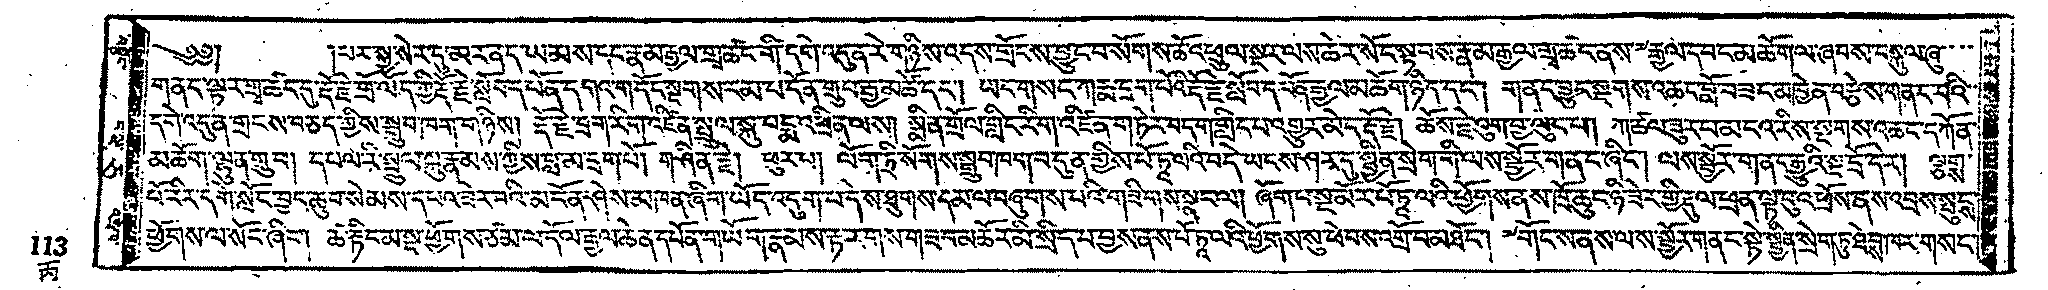༄༅། །པར་སྐྱ་སེར་དུ་མར་ནད་ཡམས་དང་རྣམ་རྒྱལ་གྲྭ་ཚང་གི་དགེ་འདུན་རེ་གཉིས་འདས་གྲོངས་བྱུང་བ་སོགས་ཆོ་འཕྲུལ་སྔར་ལས་ཆེར་སོང་སྟབས་རྣམ་རྒྱལ་གྲྭ་ཚང་ནས་༧རྒྱལ་དབང་མཆོག་ལ་ཞབས་བསྐུལ་ཞུ་
གནང་ལྟར་གྲྭ་ཚང་དུ་རྡོ་རྗེ་གྲོ་ལོད་ཀྱི་རྡོ་རྗེ་སློབ་དཔོན་དགའ་གདོང་སྔགས་རམ་པ་དོན་གྲུབ་རྒྱ་མཚོ་དང་། ཡང་གསང་ཀརྨ་དྲག་པོའི་རྡོ་རྗེ་སློབ་དཔོན་རྒྱལ་མཆོག་ཉིད་དང་། གནང་བྱུང་སྔགས་འཆང་བློ་བཟང་མཁྱེན་བརྩེས་གནང་བའི་
དགེ་འདུན་གྲངས་བཅད་ཀྱིས་སྒྲུབ་ཁག་གཉིས། རྡོ་རྗེ་བྲག་རིག་འཛིན་སྤྲུལ་སྐུ་པདམ་འཕྲིན་ལས། སྨིན་གྲོལ་གླིང་རིག་འཛིན་གཏེར་བདག་གླིང་པ་འགྱུར་མེད་རྡོ་རྗེ། ཆོས་རྗེ་འུག་བྱ་ལུང་པ། ཀ་ཚལ་ཟུར་པ་མངའ་རིས་སྔགས་འཆང་དཀོན་
མཆོག་ལྷུན་གྲུབ། དཔལ་རི་སྤྲུལ་སྐུ་རྣམས་ཀྱིས་བླ་མ་དྲག་པོ། གཤིན་རྗེ། ཕུར་པ། ལོག་ཏྲི་སོགས་སྒྲུབ་ཁག་བདུན་གྱིས་པོ་ཏཱ་ལའི་བདེ་ཡངས་ཤར་དུ་སྦྱིན་སྲེག་གི་ལས་སྦྱོར་གནང་ཞིང་། ལས་སྦྱོར་གནང་རྒྱུའི་སྔ་དྲོ་དེར། ལྕགས་
པོ་རིར་དགེ་སློང་བྱང་ཆུབ་སེམས་དཔའ་ཟེར་བའི་མངོན་ཤེས་མཁན་ཞིག་ཡོད་འདུག་པ་དེས་ཐུགས་དམ་ལ་བཞུགས་པའི་གཟིགས་སྣང་ལ། ཞོག་པ་སྔ་མོར་པོ་ཏཱ་ལའི་ཕྱོགས་ནས་ཁྲོ་ཆུང་ཉི་ཟེར་གྱི་རྡུལ་ཕྲན་ལྟ་བུ་འཕྲོས་ནས་འབྲས་སྤུངས་
ཕྱོགས་ལ་སོང་ཞིང་། ཚ་རྟིང་མ་སྔ་ཕྱོགས་ཙམ་ལ་དོལ་རྒྱལ་ཆེན་དཔོན་གཡོག་རྣམས་རྟ་རགས་གཟབ་མཆོར་མི་སྲིད་པ་བྱས་ནས་པོ་ཏཱ་ལའི་ཕྱོགས་སུ་ཕེབས་འགྲོ་བ་མཐོང་། ༧་གོང་ས་ནས་ལས་སྦྱོར་གནང་སྟེ་སྦྱིན་སྲེག་ཏུ་ཐེབས་ཁར་གསང་